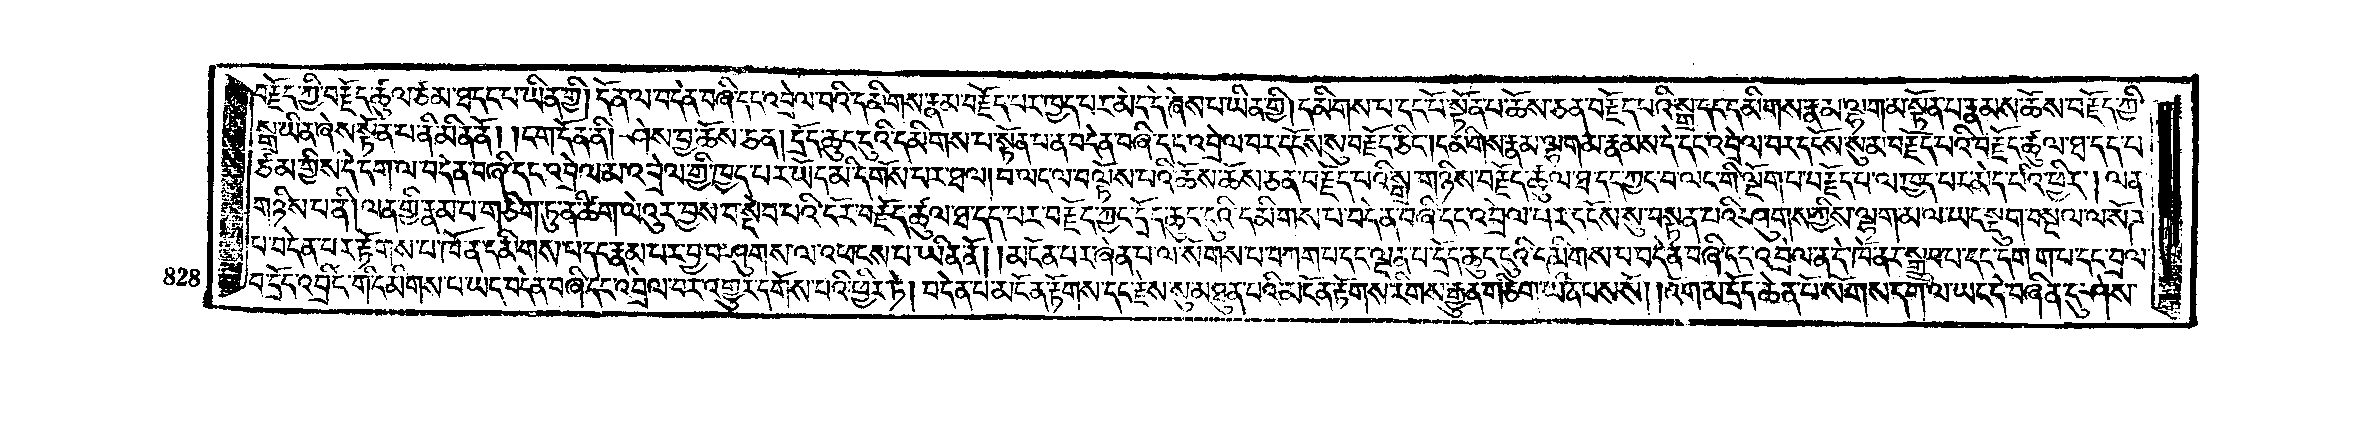བརྗོད་ཀྱི་བརྗོད་ཚུལ་ཙམ་ཐ་དད་པ་ཡིན་གྱི། དོན་ལ་བདེན་བཞི་དང་འབྲེལ་བའི་དམིགས་རྣམ་བརྗོད་པར་ཁྱད་པར་མེད་དེ་ཞེས་པ་ཡིན་གྱི། དམིགས་པ་དང་པོ་སྟོན་པ་ཆོས་ཅན་བརྗོད་པའི་སྒྲ་དང་དམིགས་རྣམ་ལྷག་མ་སྟོན་པ་རྣམས་ཆོས་བརྗོད་ཀྱི་
སྒྲ་ཡིན་ཞེས་སྟོན་པ་ནི་མིན་ནོ། །ངག་དོན་ནི། ཤེས་བྱ་ཆོས་ཅན། དྲོད་ཆུང་ངུའི་དམིགས་པ་སྟོན་པ་ན་བདེན་བཞི་དང་འབྲེལ་བར་དངོས་སུ་བརྗོད་ཅིང་། དམིགས་རྣམ་ལྷག་མ་རྣམས་དེ་དང་འབྲེལ་བར་དངོས་སུ་མ་བརྗོད་པའི་བརྗོད་ཚུལ་ཐ་དད་པ་
ཙམ་གྱིས་དེ་དག་ལ་བདེན་བཞི་དང་འབྲེལ་མ་འབྲེལ་གྱི་ཁྱད་པར་ཡོད་མི་དགོས་པར་ཐལ། བ་ལང་ལ་བལྟོས་པའི་ཆོས་ཆོས་ཅན་བརྗོད་པའི་སྒྲ་གཉིས་བརྗོད་ཚུལ་ཐ་དད་ཀྱང་བ་ལང་གི་ལྡོག་པ་བརྗོད་པ་ལ་ཁྱད་པར་མེད་པའི་ཕྱིར། ལན་
གཉིས་པ་ནི། ལན་གྱི་རྣམ་པ་གཅིག་ཏུ་ན་ཚིག་ལེའུར་བྱས་བ་སྡེབ་པའི་ངོར་བརྗོད་ཚུལ་ཐ་དད་པར་བརྗོད་ཀྱང་དྲོད་ཆུང་ངུའི་དམིགས་པ་བདེན་བཞི་དང་འབྲེལ་པར་དངོས་སུ་བསྟན་པའི་ཤུགས་ཀྱིས་ལྷག་མ་ལ་ཡང་སྡུག་བསྔལ་ལ་སོགས་
པ་བདེན་པར་རྟོགས་པ་ཁོ་ན་དམིགས་པ་དང་རྣམ་པར་བྱ་བ་ཤུགས་ལ་འཕངས་པ་ཡིན་ནོ། །མངོན་པར་ཞེན་པ་ལ་སོགས་པ་བཀག་པ་དང་ལྡན་པ་དྲོད་ཆུང་ངུའི་དམིགས་པ་བདེན་བཞི་དང་འབྲེལ་ན་དེ་ཁོ་ནར་སྒྲུབ་པ་དང་དགག་པ་དང་བྲལ་
བ་དྲོད་འབྲིང་གི་དམིགས་པ་ཡང་བདེན་བཞི་དང་འབྲེལ་བར་འགྱུར་དགོས་པའི་ཕྱིར་ཏེ། བདེན་པ་མངོན་རྟོགས་དང་རྗེས་སུ་མཐུན་པའི་མངོན་རྟོགས་རིགས་རྒྱུན་གཅིག་ཡིན་པས་སོ། །འོག་མ་དྲོད་ཆེན་པོ་སོགས་དག་ལ་ཡང་དེ་བཞིན་དུ་ཤེས་